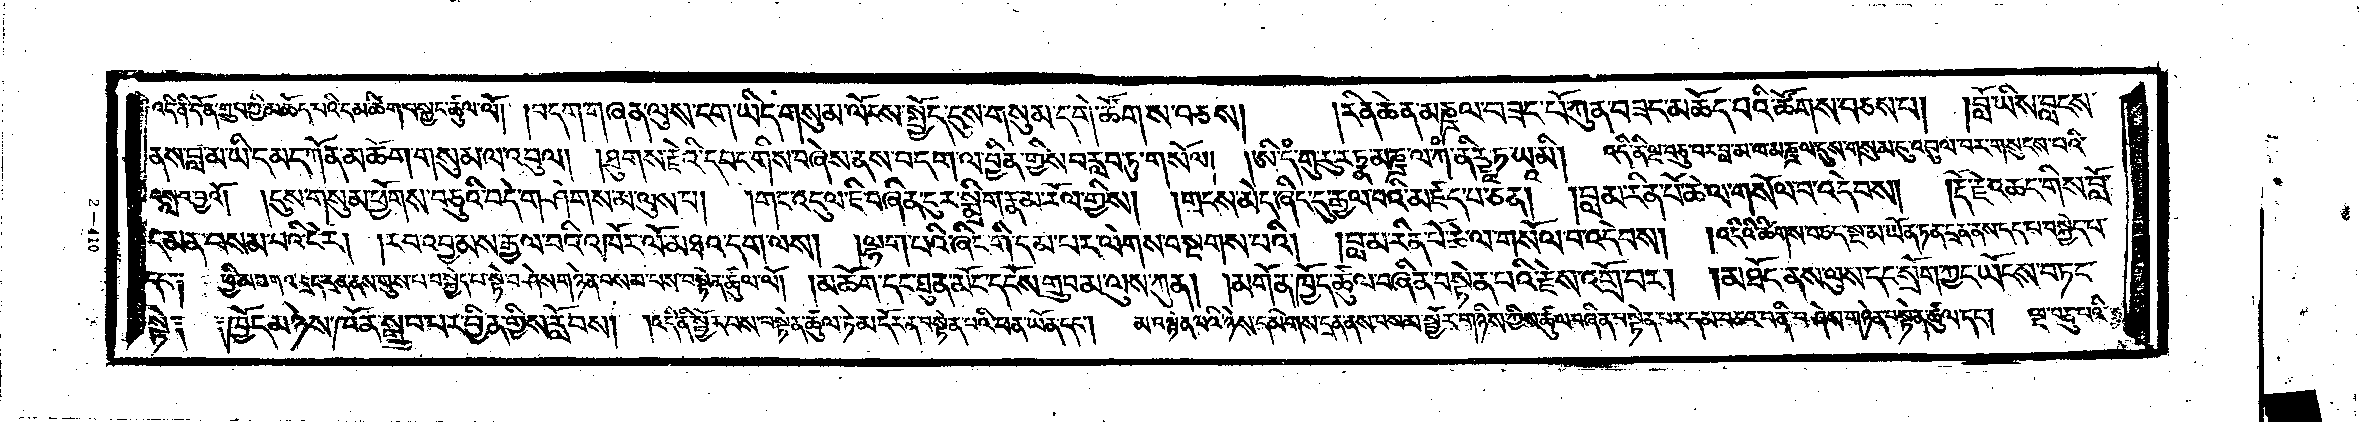འདི་ནི་དོན་གྲུབ་ཀྱི་མཆོད་པའི་དམ་ཚིག་བསྐྱང་ཚུལ་ལོ།  །བདག་གཞན་ལུས་ངག་ཡིད་གསུམ་ལོངས་སྤྱོད་དུས་གསུམ་དགེ་ཚོགས་བཅས། །རིན་ཆེན་མཎྜལ་བཟང་པོ་ཀུན་བཟང་མཆོད་པའི་ཚོགས་བཅས་པ། །བློ་ཡིས་བླངས་
ནས་བླ་མ་ཡི་དམ་དཀོན་མཆོག་གསུམ་ལ་འབུལ། །ཐུགས་རྗེའི་དབང་གིས་བཞེས་ནས་བདག་ལ་བྱིན་གྱིས་བརླབ་ཏུ་གསོལ། །ཨི་དཾ་གུ་རུ་རཏྣ་མཎྜལ་ལ་ཀཾ་ནིརྡྱ་ཏ་ཡཱ་མི། འདི་ནི་ལྔ་བཅུ་བར་བླ་མ་ལ་མཎྜལ་དུས་གསུམ་དུ་འབུལ་བར་གསུངས་པའི་
བསླབ་བྱའོ། །དུས་གསུམ་ཕྱོགས་བཅུའི་བདེ་གཤེགས་མ་ལུས་པ། །གང་འདུལ་ཇི་བཞིན་དུར་སྨྲིག་རྣམ་རོལ་གྱིས། །གྲངས་མེད་ཞིང་དུ་རྒྱལ་བའི་མཛད་པ་ཅན། །བླ་མ་རིན་པོ་ཆེ་ལ་གསོལ་བ་འདེབས། །རྡོ་རྗེ་འཆང་གིས་བློ་
དམན་བསམ་པའི་ངོར། །རབ་འབྱམས་རྒྱལ་བའི་འཁོར་ལོ་མཐའ་དག་ལས། །ལྷག་པའི་ཞིང་གི་དམ་པར་ལེགས་བསྔགས་པའི། །བླ་མ་རིན་པོ་ཆེ་ལ་གསོལ་བ་འདེབས། །འདིའི་ཚིགས་བཅད་སྔ་མ་ཡོན་ཏན་དྲན་ནས་དད་པ་བསྐྱེད་པ་
དང་། ཕྱི་མ་འགའ་དྲན་དང་ནས་གུས་པ་བསྐྱེད་པ་སྟེ་བཤེས་གཉེན་བསམ་པས་བསྟེན་ཚུལ་ལོ། །མཆོག་དང་ཐུན་མོང་དངོས་གྲུབ་མ་ལུས་ཀུན། །མགོན་ཁྱོད་ཚུལ་བཞིན་བསྟེན་པའི་རྗེས་འགྲོ་བར། །མཐོང་ནས་ལུས་དང་སྲོག་ཀྱང་ཡོངས་བཏང་
སྟེ༑ ༑ཁྱོད་མཉེས་ཁོ་ན་སྒྲུབ་པར་བྱིན་གྱིས་རློབས། །འདི་ནི་སྦྱོར་བས་བསྟེན་ཚུལ་ཏེ་མདོར་ན་བསྟེན་པའི་ཕན་ཡོན་དང་། མ་བསྟེན་པའི་ཉེས་དམིགས་དྲན་ནས་བསམ་སྦྱོར་གཉིས་ཀྱིས་ཚུལ་བཞིན་བསྟེན་པར་དམ་བཅའ་བ་ནི་བ་ཞེས་གཉེན་བསྟེན་ཚུལ་དང་། ལྔ་བཅུ་པའི